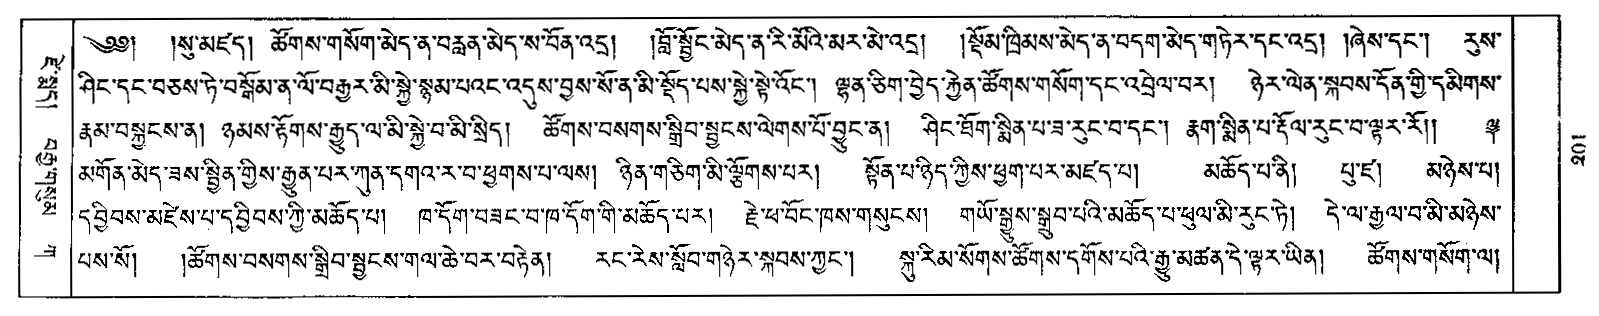༄༅། །སུ་མཛད། ཚོགས་གསོག་མེད་ན་བརླན་མེད་ས་བོན་འདྲ། །བློ་སྦྱོང་མེད་ན་རི་མོའི་མར་མེ་འདྲ། །སྡོམ་ཁྲིམས་མེད་ན་བདག་མེད་གཏེར་དང་འདྲ། །ཞེས་དང་། རུས་
ཤིང་དང་བཅས་ཏེ་བསྒོམ་ན་ལོ་བརྒྱར་མི་སྐྱེ་སྙམ་པའང་འདུས་བྱས་སོ་ན་མི་སྡོད་པས་སྐྱེ་སྟེ་འོང་། ལྷན་ཅིག་བྱེད་རྐྱེན་ཚོགས་གསོག་དང་འབྲེལ་བར། ཉེར་ལེན་སྐབས་དོན་གྱི་དམིགས་
རྣམ་བསྐྱངས་ན། ཉམས་རྟོགས་རྒྱུད་ལ་མི་སྐྱེ་བ་མི་སྲིད། ཚོགས་བསགས་སྒྲིབ་སྦྱངས་ལེགས་པོ་བྱུང་ན། ཤིང་ཐོག་སྨིན་པ་ཟ་རུང་བ་དང་། རྣག་སྨིན་པ་རྡོལ་རུང་བ་ལྟར་རོ།། ༈
མགོན་མེད་ཟས་སྦྱིན་གྱིས་རྒྱུན་པར་ཀུན་དགའ་ར་བ་ཕྱགས་པ་ལས། ཉིན་གཅིག་མི་ལྕོགས་པར། སྟོན་པ་ཉིད་ཀྱིས་ཕྱག་པར་མཛད་པ། མཆོད་པ་ནི། པུ་ཛ། མཉེས་པ།
དབྱིབས་མཛེས་པ་དབྱིབས་ཀྱི་མཆོད་པ། ཁ་དོག་བཟང་བ་ཁ་དོག་གི་མཆོད་པར། རྗེ་ཕ་བོང་ཁས་གསུངས། གཡོ་སྒྱུས་སྒྲུབ་པའི་མཆོད་པ་ཕུལ་མི་རུང་ཏེ། དེ་ལ་རྒྱལ་བ་མི་མཉེས་
པས་སོ། །ཚོགས་བསགས་སྒྲིབ་སྦྱངས་གལ་ཆེ་བར་བརྟེན། རང་རེས་སློབ་གཉེར་སྐབས་ཀྱང་། སྐུ་རིམ་སོགས་ཚོགས་དགོས་པའི་རྒྱུ་མཚན་དེ་ལྟར་ཡིན། ཚོགས་གསོག་ལ།